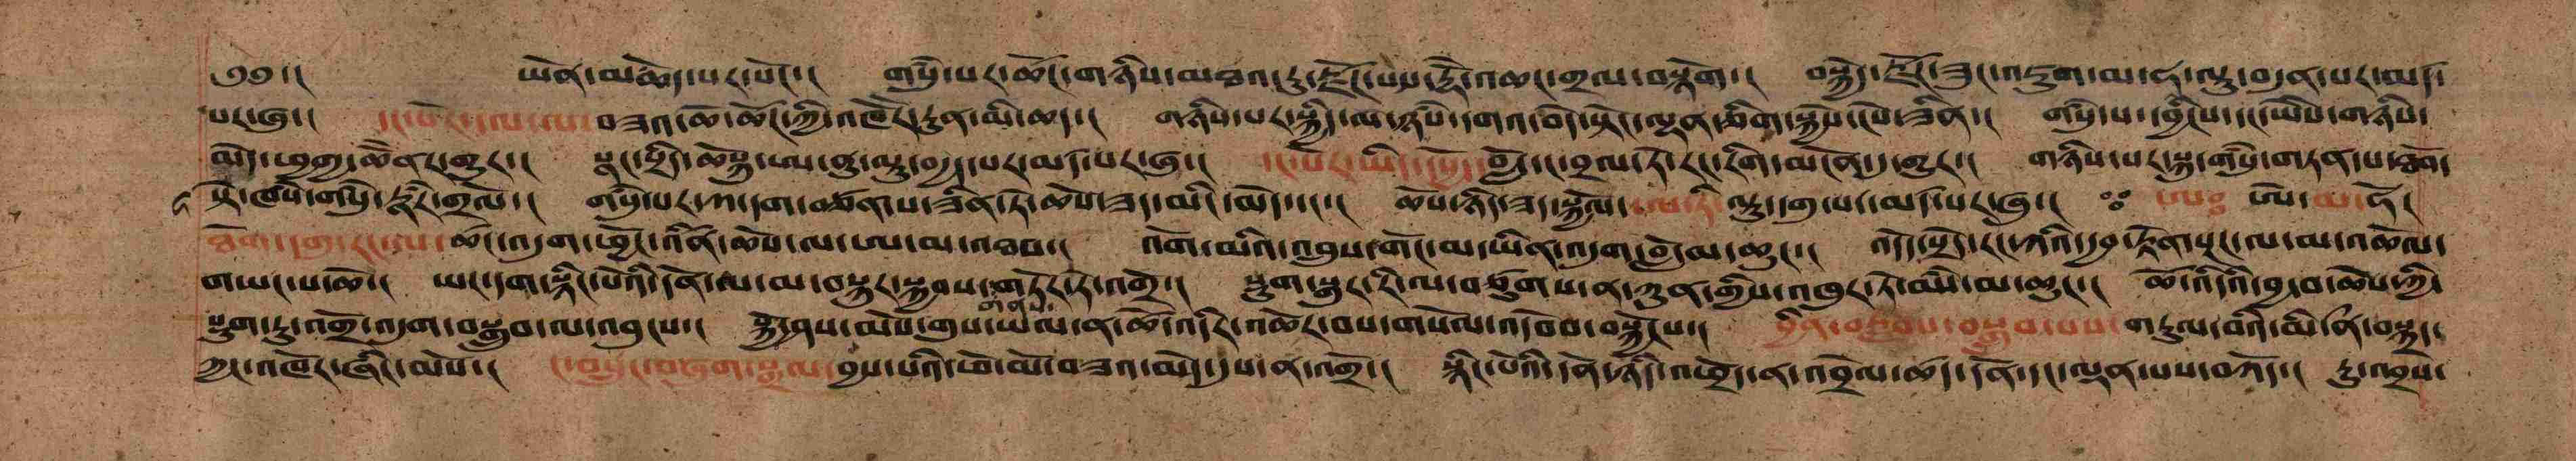༄༅། ཡོན་མཆོད་པར་སོང་། གསུམ་པར་ཚོགས་གཉིས་མཐའ་རུ་རྫོགས་པས་རྡོ་རྗེ་འཆང་གྲལ་བསྙེག། བསྐྱེད་རྫོགས་ཟུང་འཇུག་མ་ཧ་ལྟ་བུ་བདུན་པར་མཛད་
པར་ཞུ། དང་པོར་དལ་ལ་བཟའ་ཆོ་ཚོགས་ཀྱི་འཁོར་ལོ་དྱུན་མི་ཆད། གཉིས་པར་སྐྱིད་ལ་ཉམས་དགའ་བདེ་སྟོང་ལྷན་ཅིག་སྐྱེས་ངེས་ཟིན། གསུམ་པ་དབྱིངས་དང་ཡེ་ཤེས་གཉིས་
མེད་ཕྱག་རྒྱ་ཆེན་པོར་གྱུར། སྣང་སྲིད་ཆོས་སྐུ་ཨ་ནུ་ལྟ་བུ་བརྒྱད་པར་མཛད་པར་ཞུ། དང་པོར་ཡིད་དཔྱོད་བློ་དང་བྲལ་ཏེ་རང་རིག་མངོན་དུ་གྱུར། གཉིས་པར་སྐུ་གསུམ་གཏན་པ་ཐོབ་
སྟེ་ཁམས་གསུམ་རྣམ་པར་གྲོལ། གསུམ་པར་ཀ་དག་བཙན་པ་ཟིན་ཏེ་ཆོས་ཟད་མིང་མེད་དང་། ཆོས་ཉིད་ཟད་སྐྱོལ་ཨ་ཏི་ལྟ་བུ་དགུ་པར་མཛད་པར་ཞུ། ཨཿ ཨེ་མ་ཧོ། 
ཐོག་དགུ་རང་ལ་ཚང་འདུག་ཕྱོང་འཛིན་ཆོས་ལ་ཨ་མ་འཐབ། འོག་མའི་འབྲས་བུས་གོང་མ་ཡིན་འདུག་བློ་མ་ཆུང་། འདོད་སྲེད་རང་ཀའི་དབུ་རྟེན་སྔར་ལ་མ་འཆོལ་
གཡང་པ་ཆོ། ཡང་དག་སྙིང་པོའི་དོན་ལ་མ་བསྐུར་སྐྱབས་གནས་གཏོར་རེ་འགྲོ། སྡུག་སྒུར་རི་ལ་བཙུགས་ན་ཀུན་གྱིས་འཁུར་ཏེ་བསམ་མ་ཆུང་། ཚེ་འདིའི་བྱ་བ་ཆོས་ཀྱི་
སྡུག་ཏུ་འགྲོ་འདུག་བསྒྲུབ་ལ་འབུངས། སྐྱོ་ཤས་མོས་གུས་ཡལ་ན་ཚེ་འདིར་འཚེར་བས་གསོལ་འདེབས་བསྐྱོངས། བྱིན་བརླབས་བསྒྲུབ་པས་གཏུམ་བའི་མི་མཚན་བསྐྲད་
ཀྱང་འཁོར་ཞིང་མོས། ང་བསྲུང་བཞུག་སྒྲམ་བྱས་པའི་ཕོ་མོ་བཟའ་མེད་དུས་ན་འགྲོ། སྙིང་པོའི་དོན་ཉིད་འཕྲོད་ན་འབྲེལ་ཚད་དོན་དང་ལྡན་པས་བཀོད། དྱུ་འབྲས་